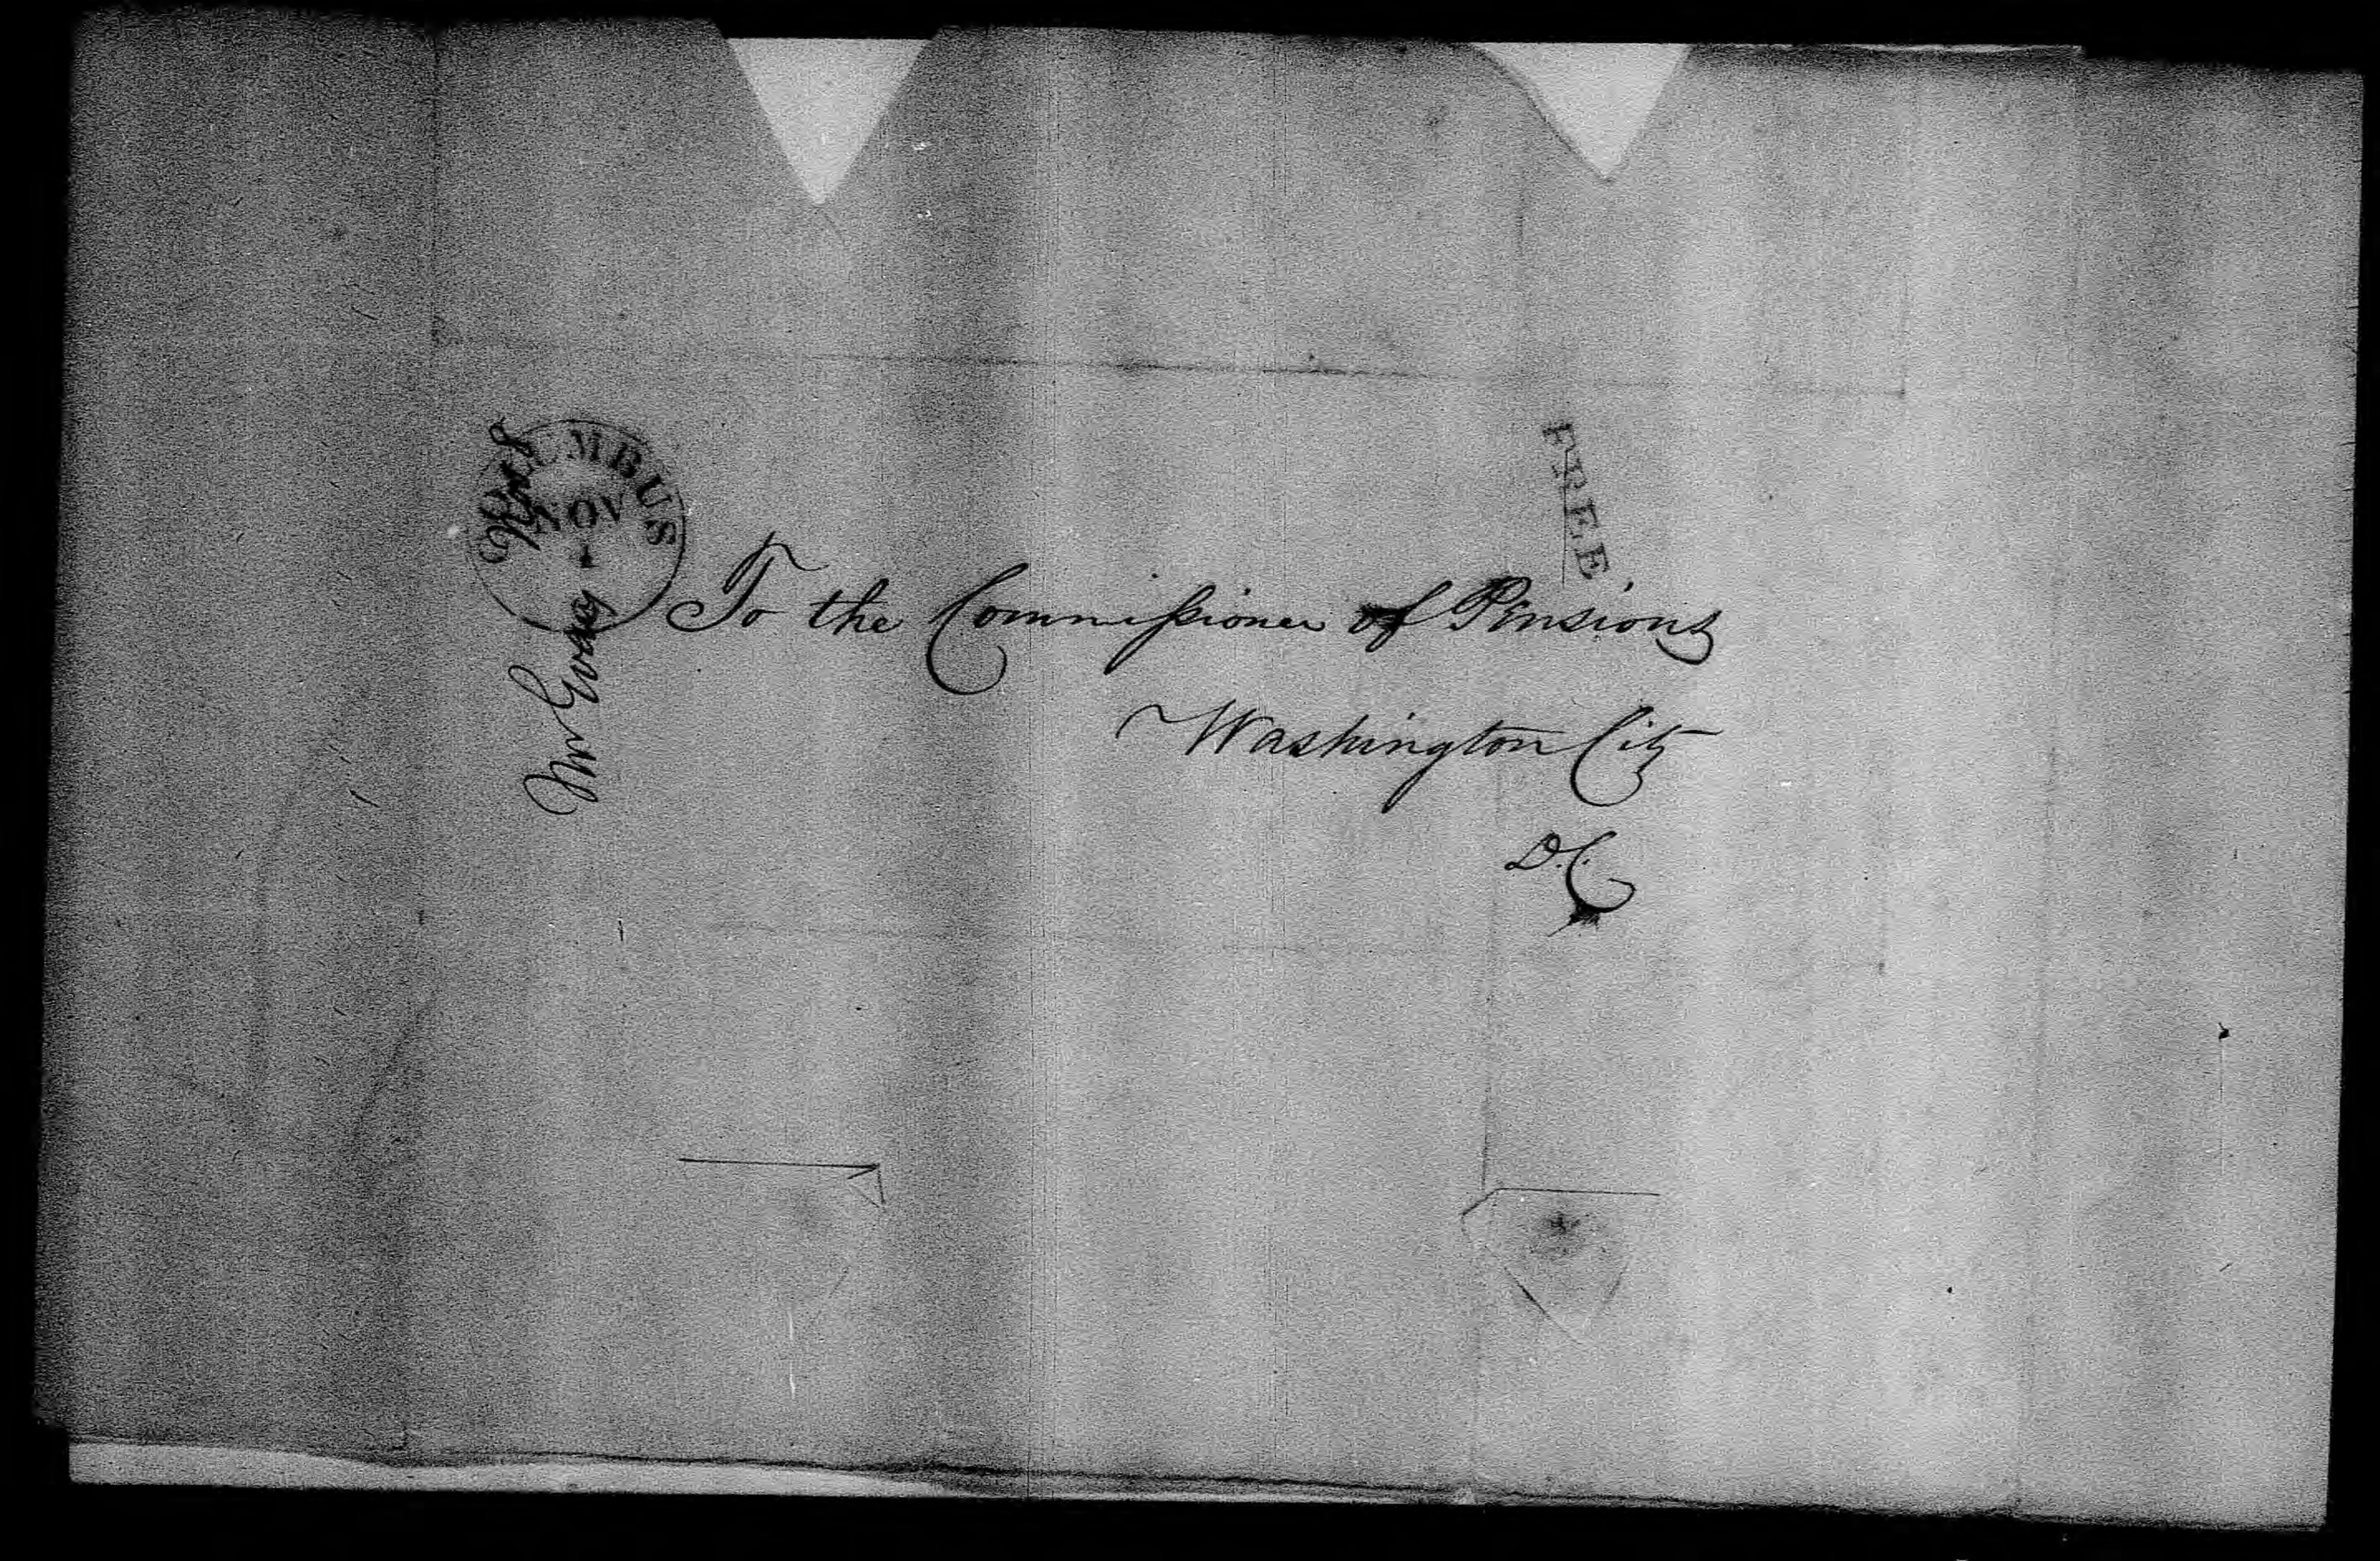To the Commissioner of Pensions
Washington City
D.C.

Mr. Evans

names: Evans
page: 19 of 27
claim: survivor's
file: S. 17445, James Gregory, Conn.